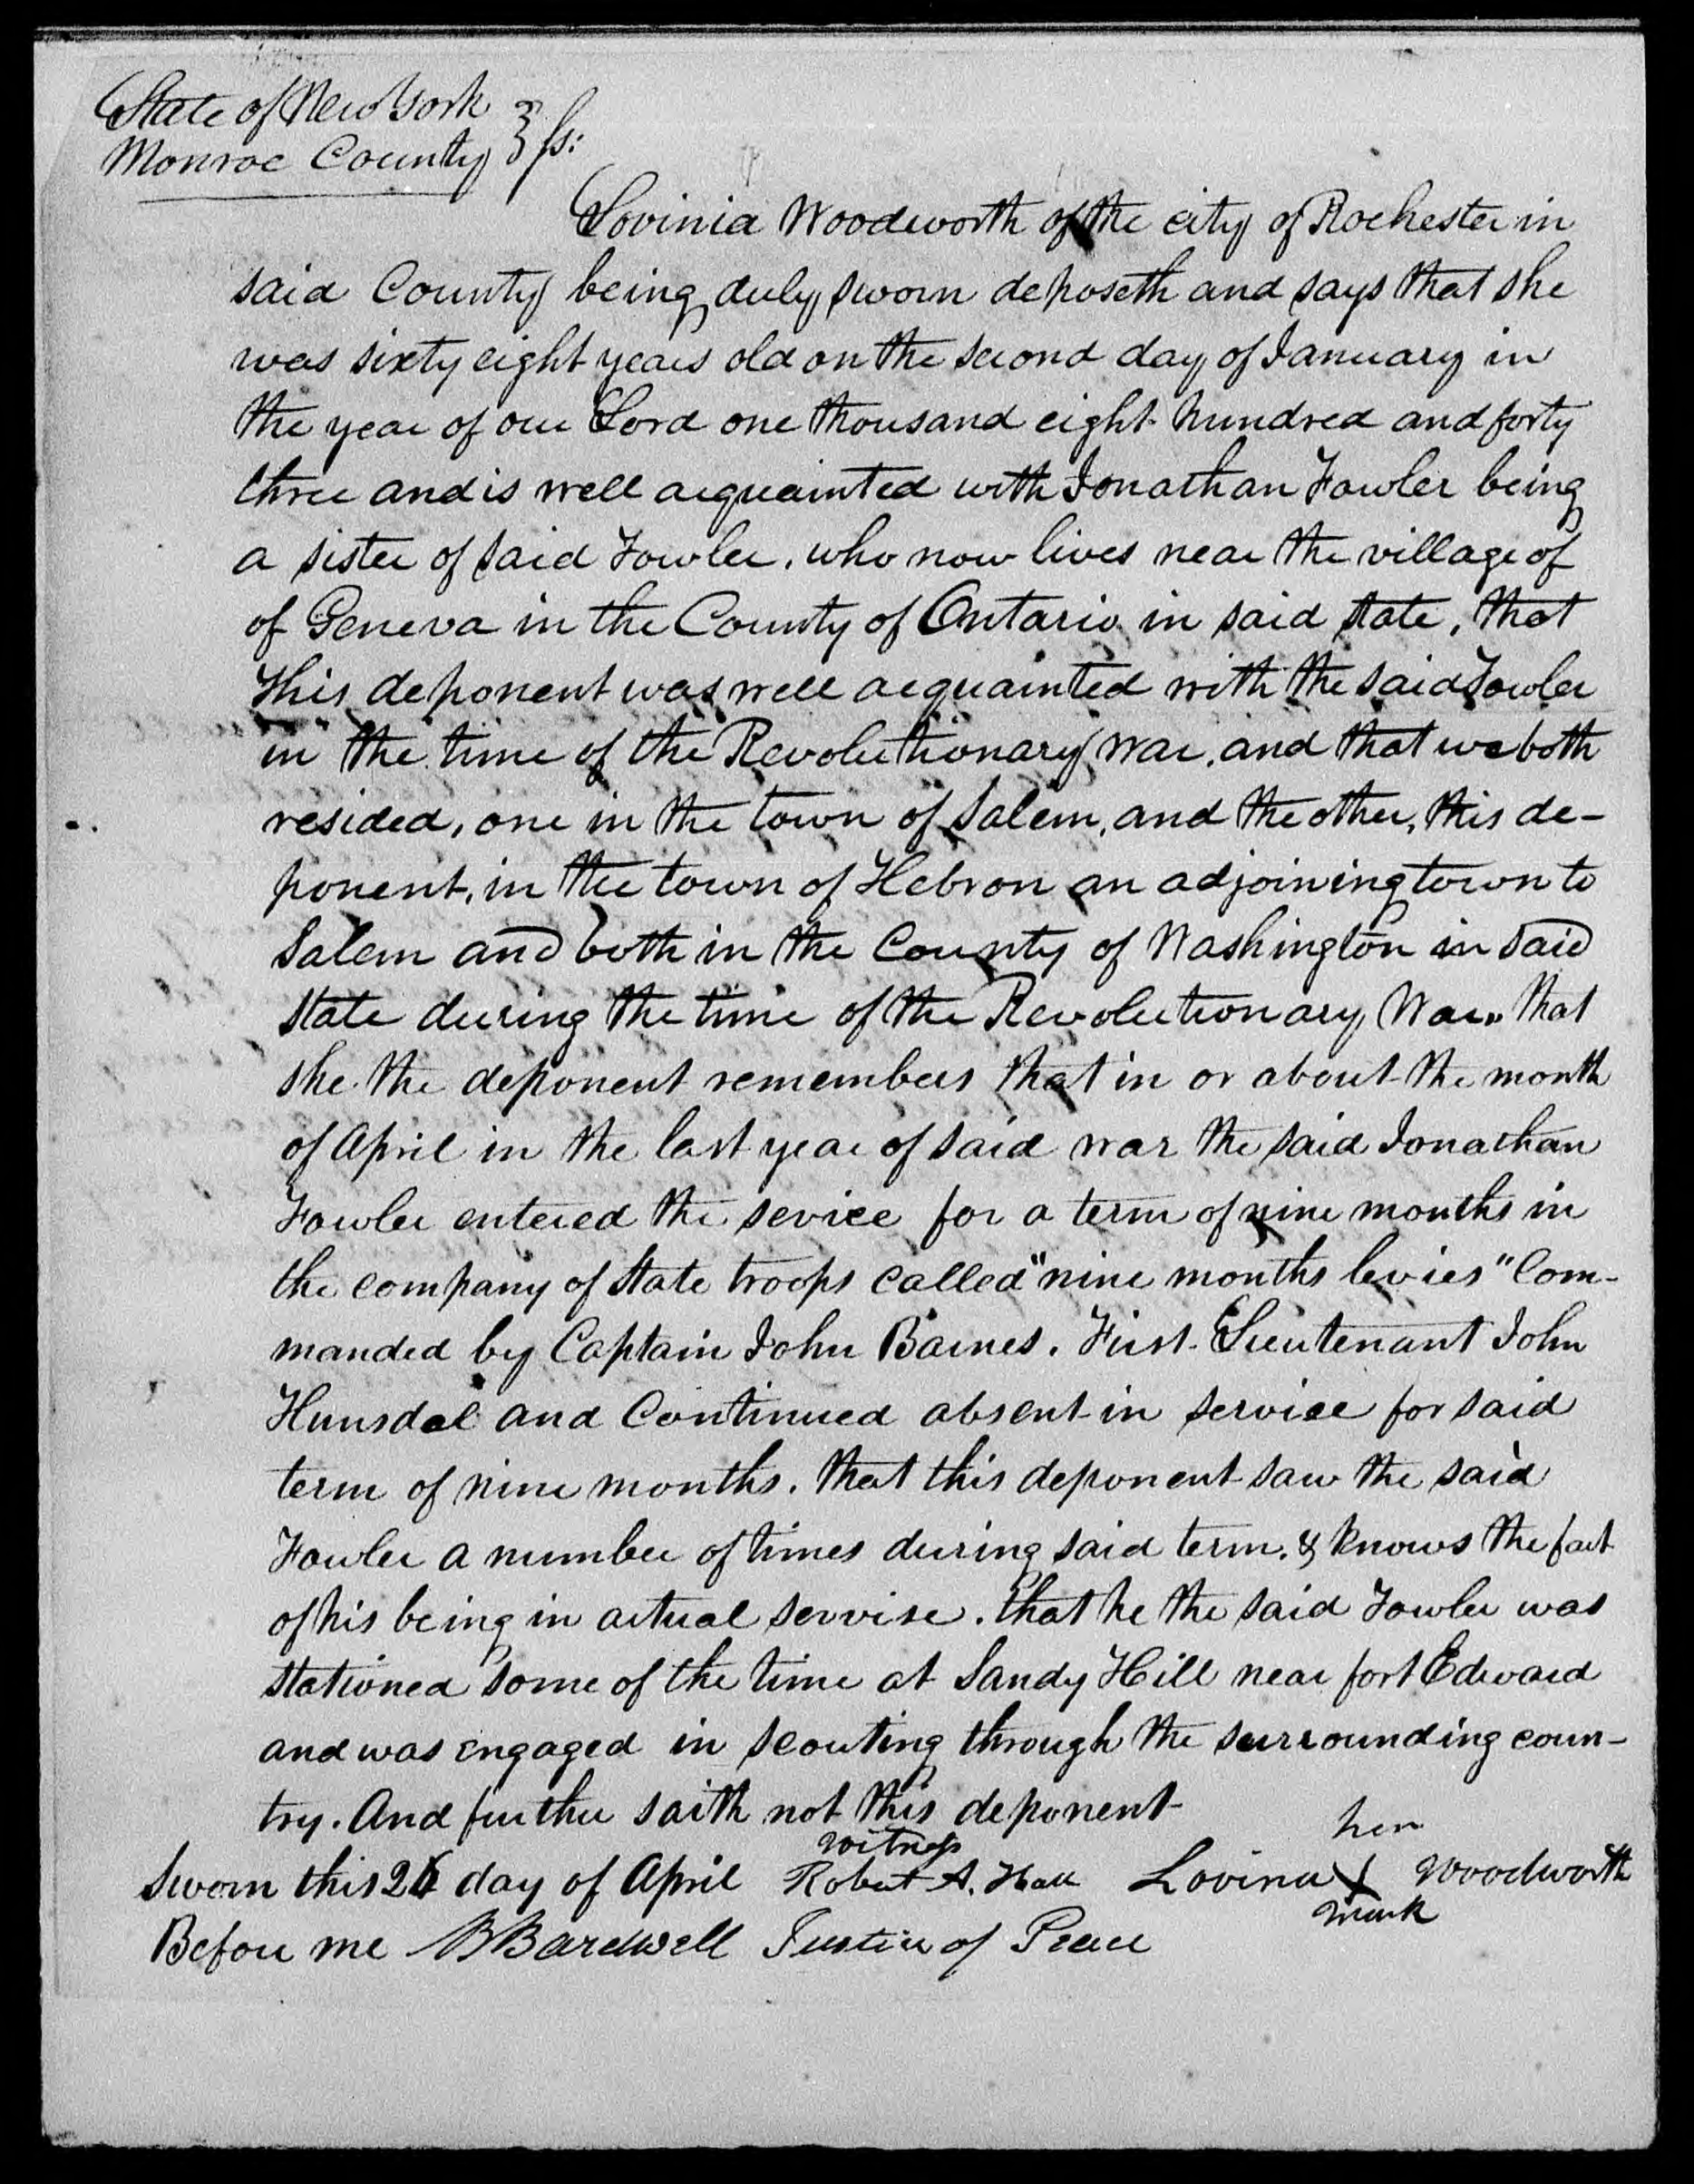State of New York, Monroe County ss:
Lovinia Woodworth of the city of Rochester in said county being duly sworn deposeth and says that she was sixty eight years old on the second day of January in the year of our Lord one thousand eight hundred and forty three and is well acquainted with Jonathan Fowler being a sister of said Fowler, who now lives near the village of Geneva in the county of Ontario in said state. That his deponent was well acquainted with the said Fowler in the time of the Revolutionary war, and that we both resided, one in the town of Salem and the other, this deponent, in the town of Hebron an adjoining town to Salem and both in the county of Washington is said state during the time of the revolutionary war. That she the deponent remembers that in or about the month of April in the last year of said war the said Jonathan Fowler entered the service for a term of nine months in the company of State troops called "nine months levies" commanded by Captain John Barnes, First Lieutenant John Hunsdal and continued absent in service for said term of nine months. That this deponent saw the said Fowler a number of times during said term & knows the fact of his being in actual service. That he the said Fowler was stationed some of the time at Sandy Hiill near Fort Edward and was engaged in scouting through the surrounding country. And further saith not this deponent.
Lovina Woodworth - X her mark

Witness Robert A. Hall

Sworn this 26 day of April before me 
B Bardwell Justice of Peace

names: Robert A Hall, Jonathan Fowler, Jonathan Fowler, John Barnes, Lovina Woodworth, Fowler, B Bardwell, Fowler, John Hunsdal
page: 34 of 44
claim: survivor's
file: S. 23639, Jonathan Fowler, New York